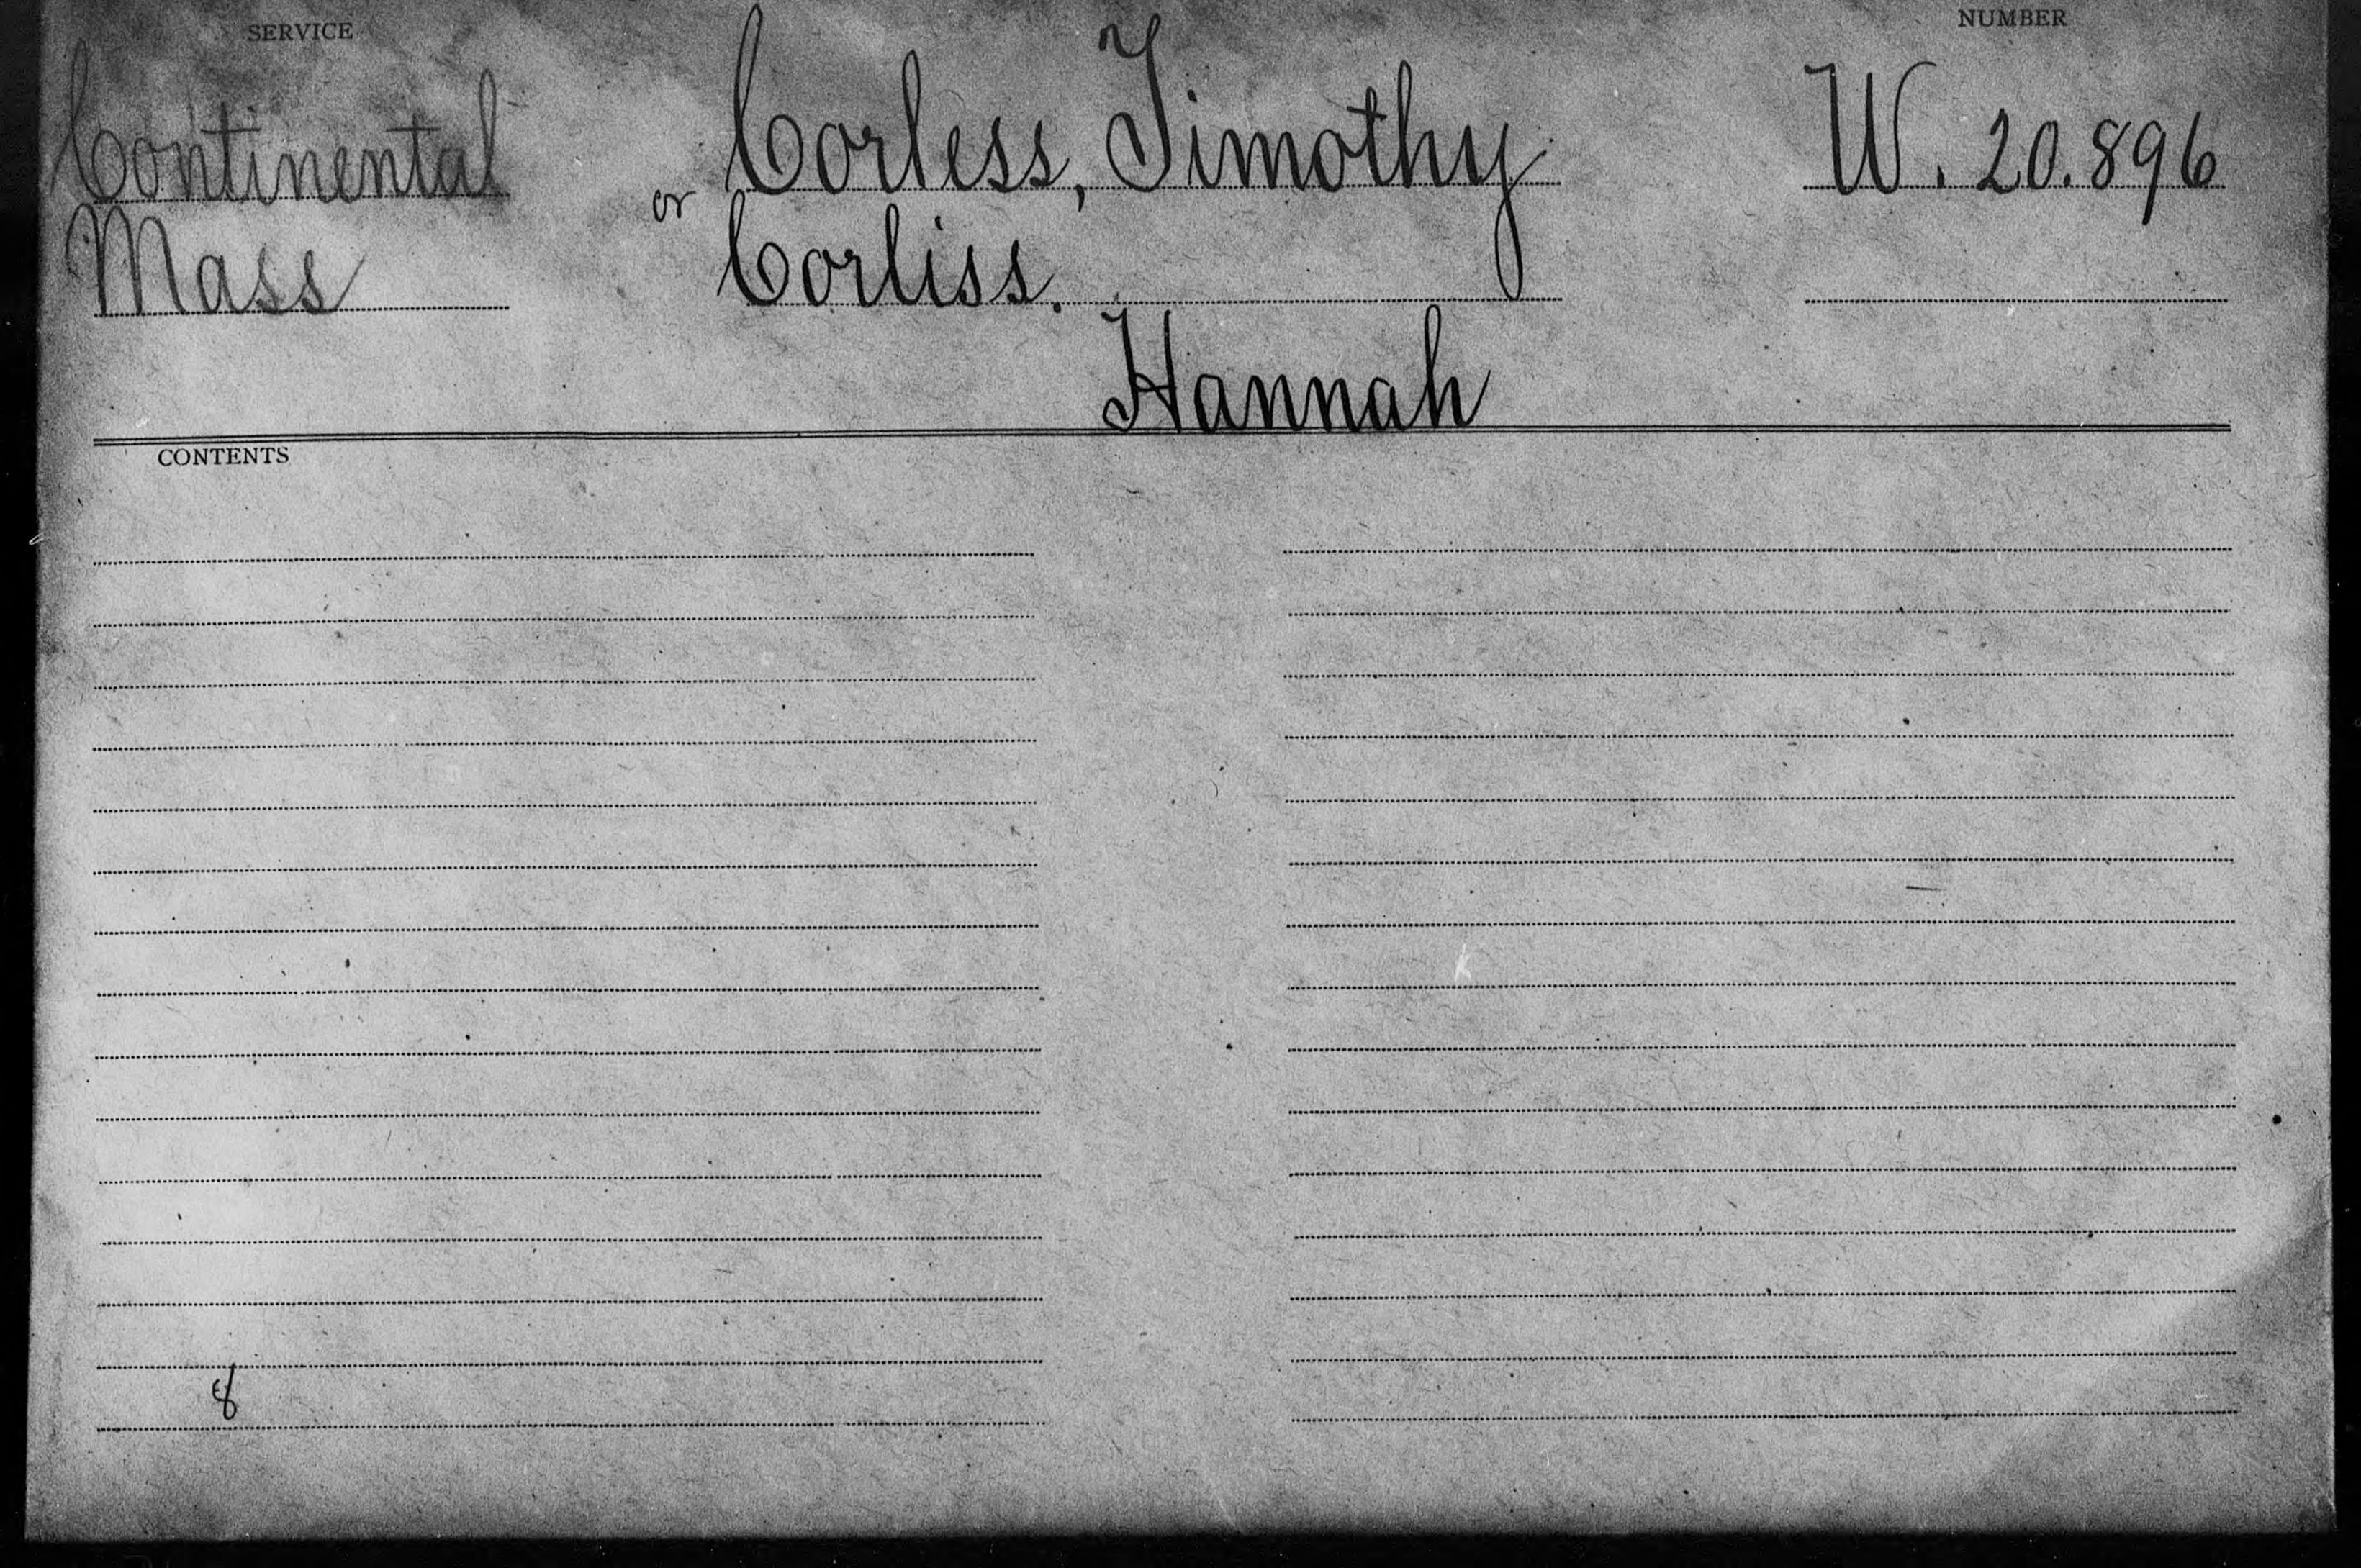SERVICE [word is typed] Continental Mass[ Massachusetts cursive] Corliss, Timothy or Corliss, Hannah NUMBER [typed] W. 20.896[hand written]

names: Timothy Corliss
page: 1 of 34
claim: widow's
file: W. 20,896, Timothy Corless, Continental Mass